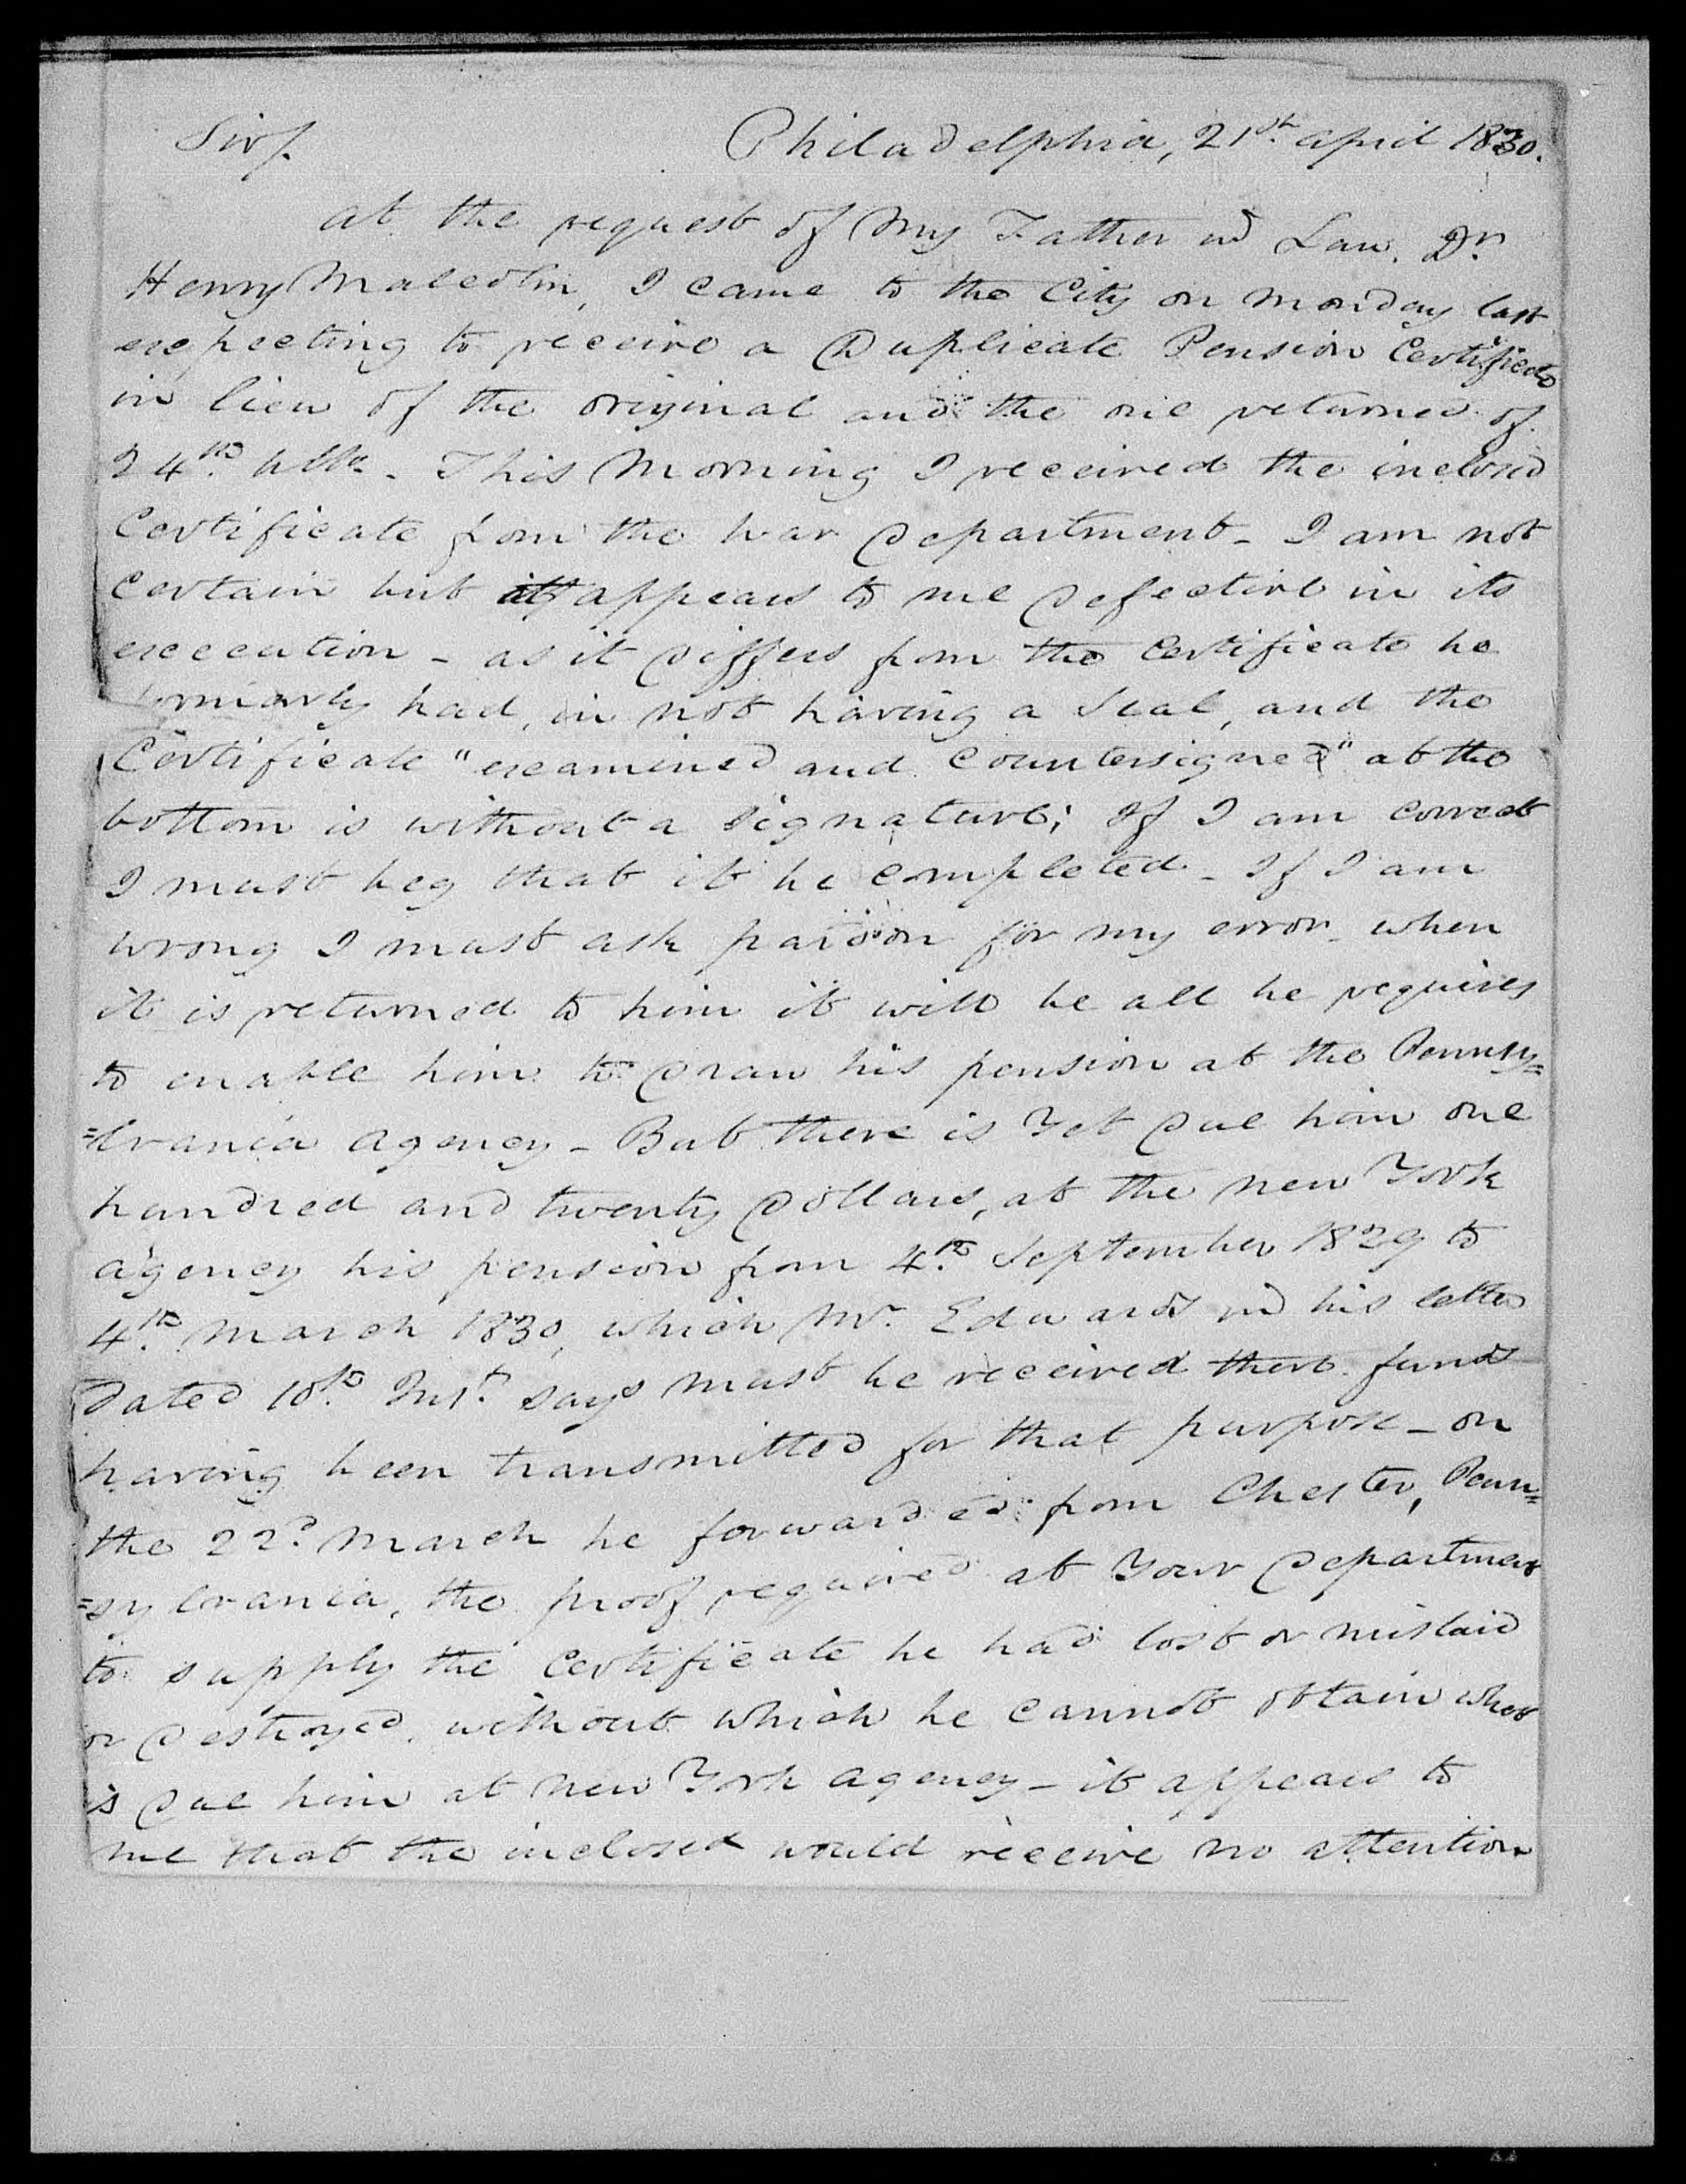Philadelphia, 21st April 1830.

Sirs,

at the request of my Father in Law Dr Henry Malcolm, I came to the City on Monday last expecting to receive a Duplicate Pension Certificate in lieu of the original and the one returned of 24th all. This morning I received the inclosed certificate from the war department. I am not certain but it appears to me defective in its execution, as it differs from the certificate he formerly had, in not having a Seal, and the certificate "examined and countersigned" at the bottom is without a signature. If I am correct, I must beg that it be completed. If I am wrong I must ask pardon for my error.  when it is returned to him it will be all he requires to enable him to draw his pension at the Pennsylvania agency. But there is yet due him one hundred and twenty dollars, at the New York agency, his pension from 4th September 1829 to 4th March 1830 which Mr Edwards in his letter dated 18th inst says must be received there, funds having been transmitted for that purpose on the 22d March.  he forwarded from Chester Pennsylvania, the proof required at your department to supply the certificate he had lost or mislaid or destroyed without which he cannot obtain what is due him at New York agency. it appears to
me that the inclosed would receive no attention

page: 12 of 28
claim: survivor's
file: S. 5,048, for Henry Malcolm